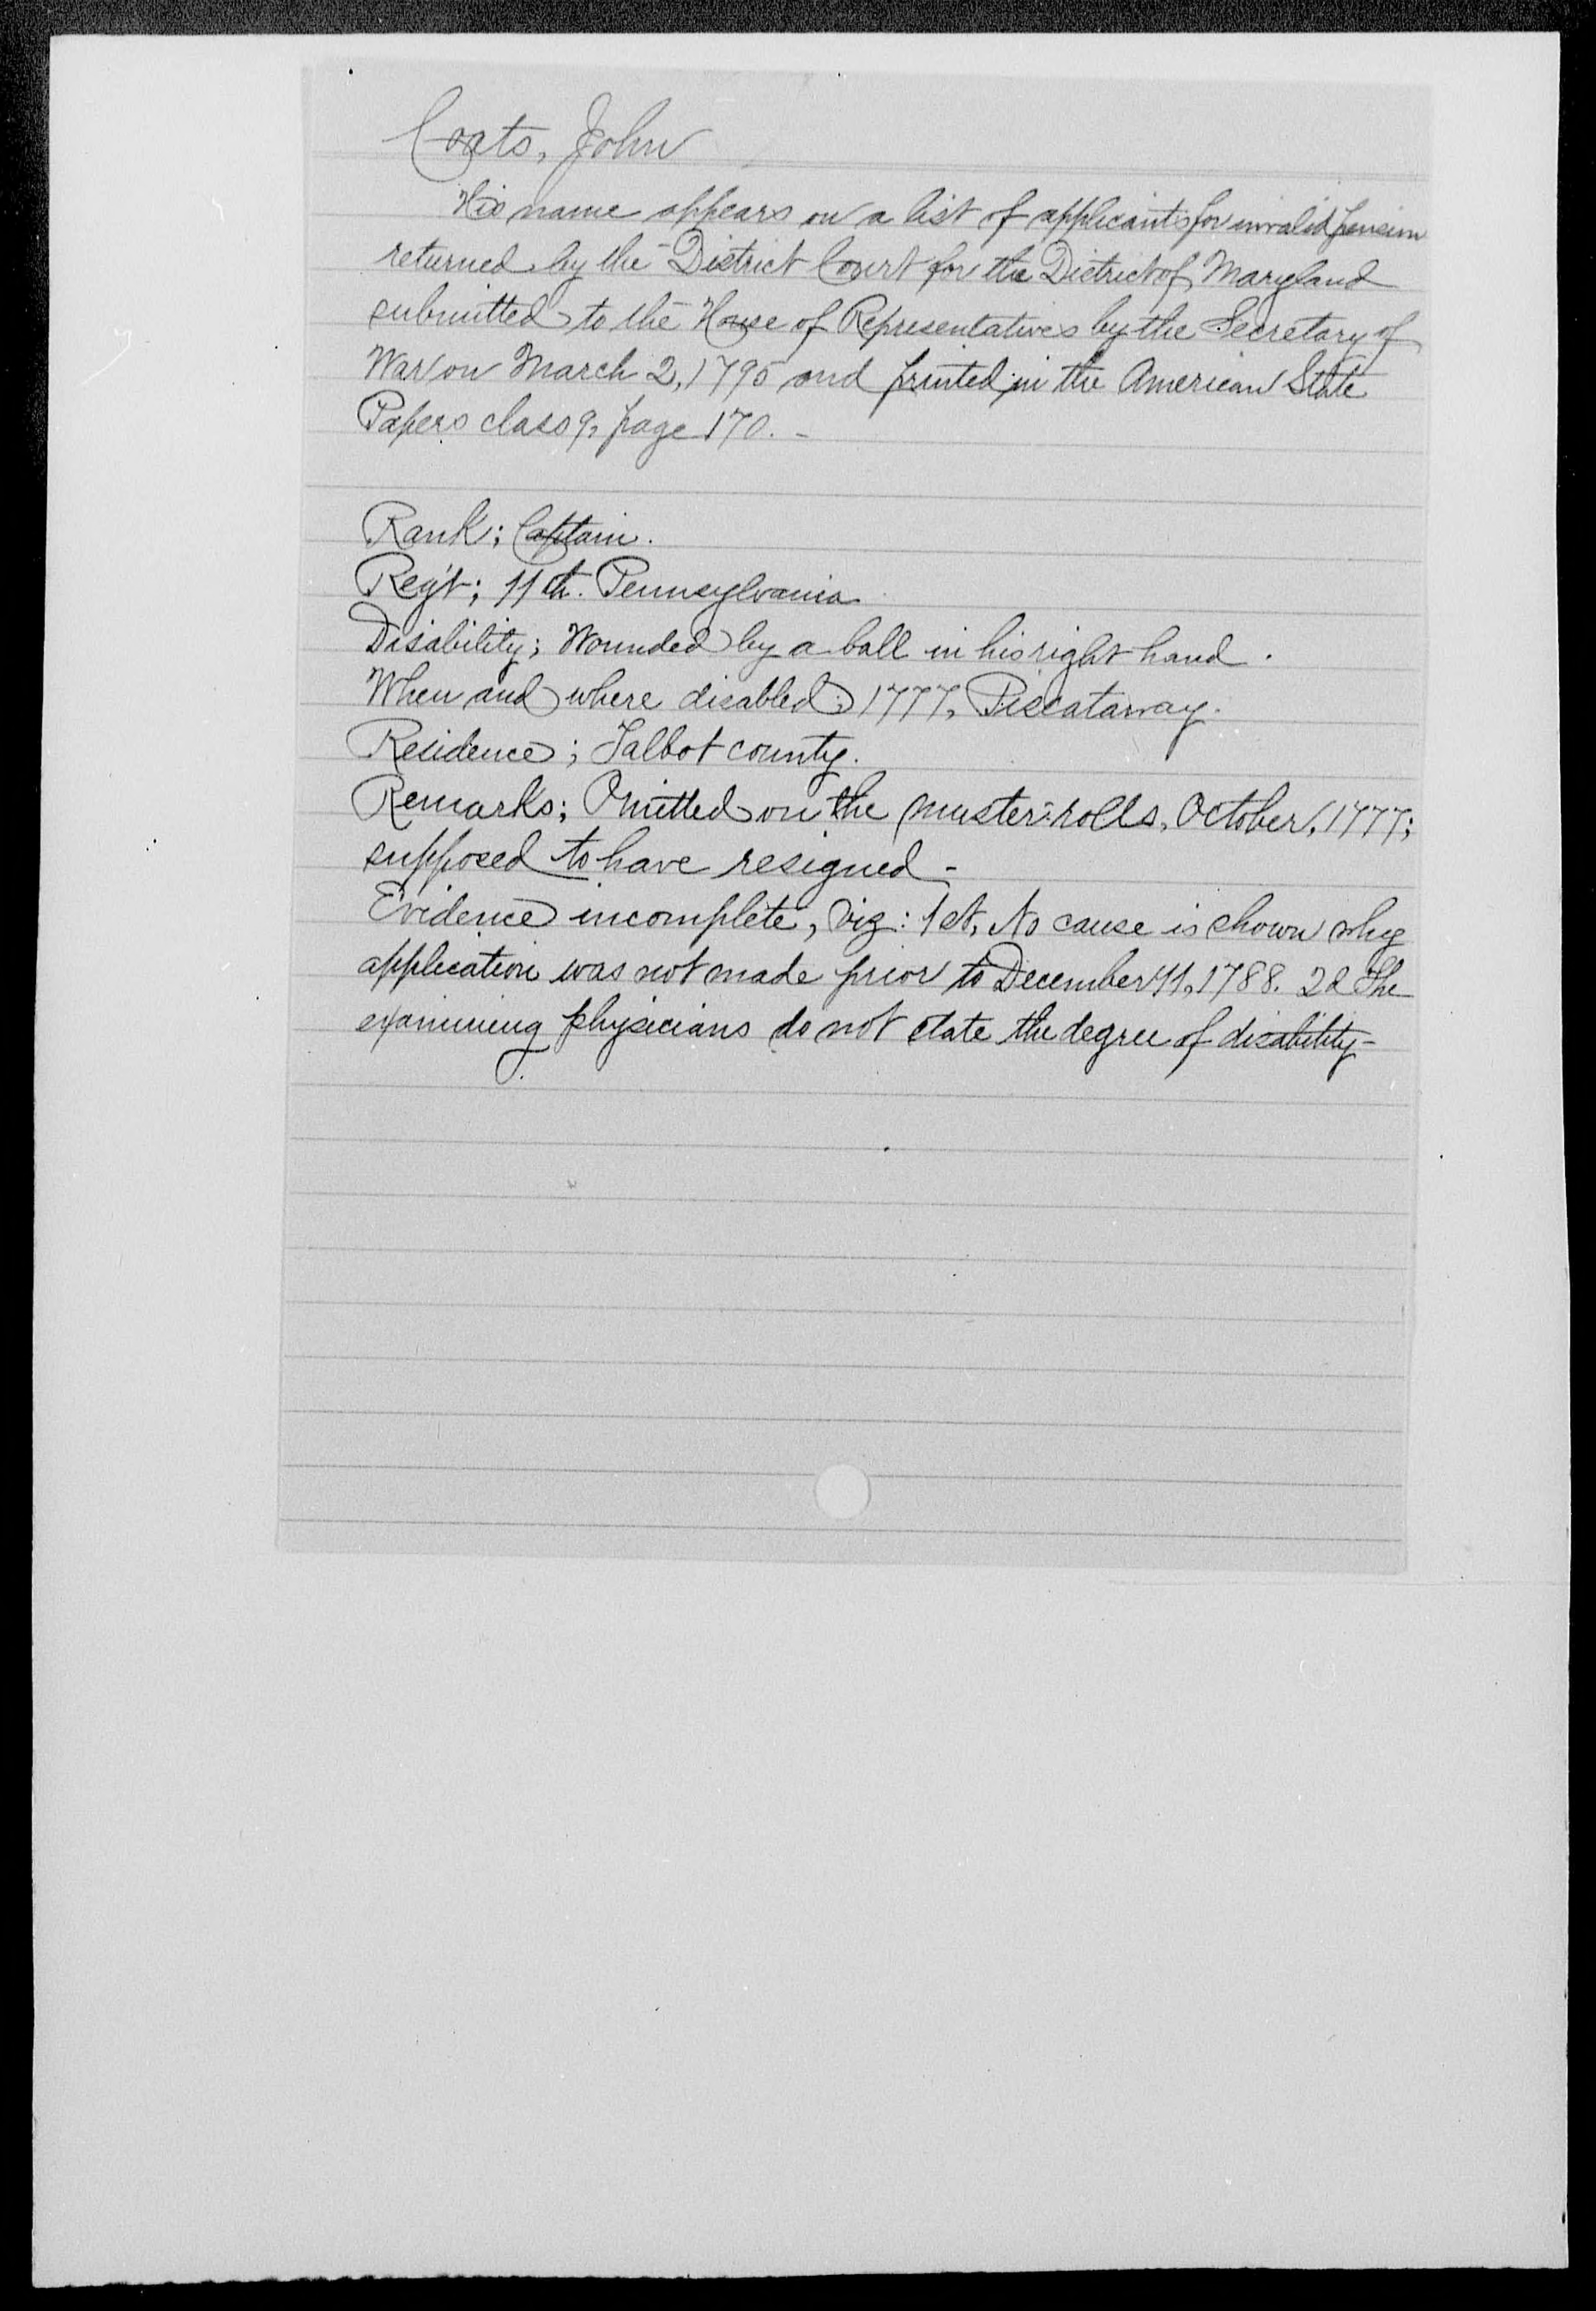Coats, John
His name appears on a list of applicants for invalid pension
returned by the District Court, for the District of Maryland
submitted to the House of Representatives by the Secretary of
War on March 2, 1795 and printed in the American State
Papers class 9, page 170.
Rank: Captain
Regit: 11th at Pennsylvania
Disability: Wounded by a ball in his right hand.
When and where disabled: 1777. Piscataway.
Residence: Talbot county.
Remarks: Omitted on the master rolls, October, 1777;
supported to have resigned.
Evidence incomplete, viz: 1st to cause is shown why
application was not made prior to December 11, 1788. 2d the
examining physicians do not state the degree of disability.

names: John Coats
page: 4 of 5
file: [BLANK], John Coates, Penn.